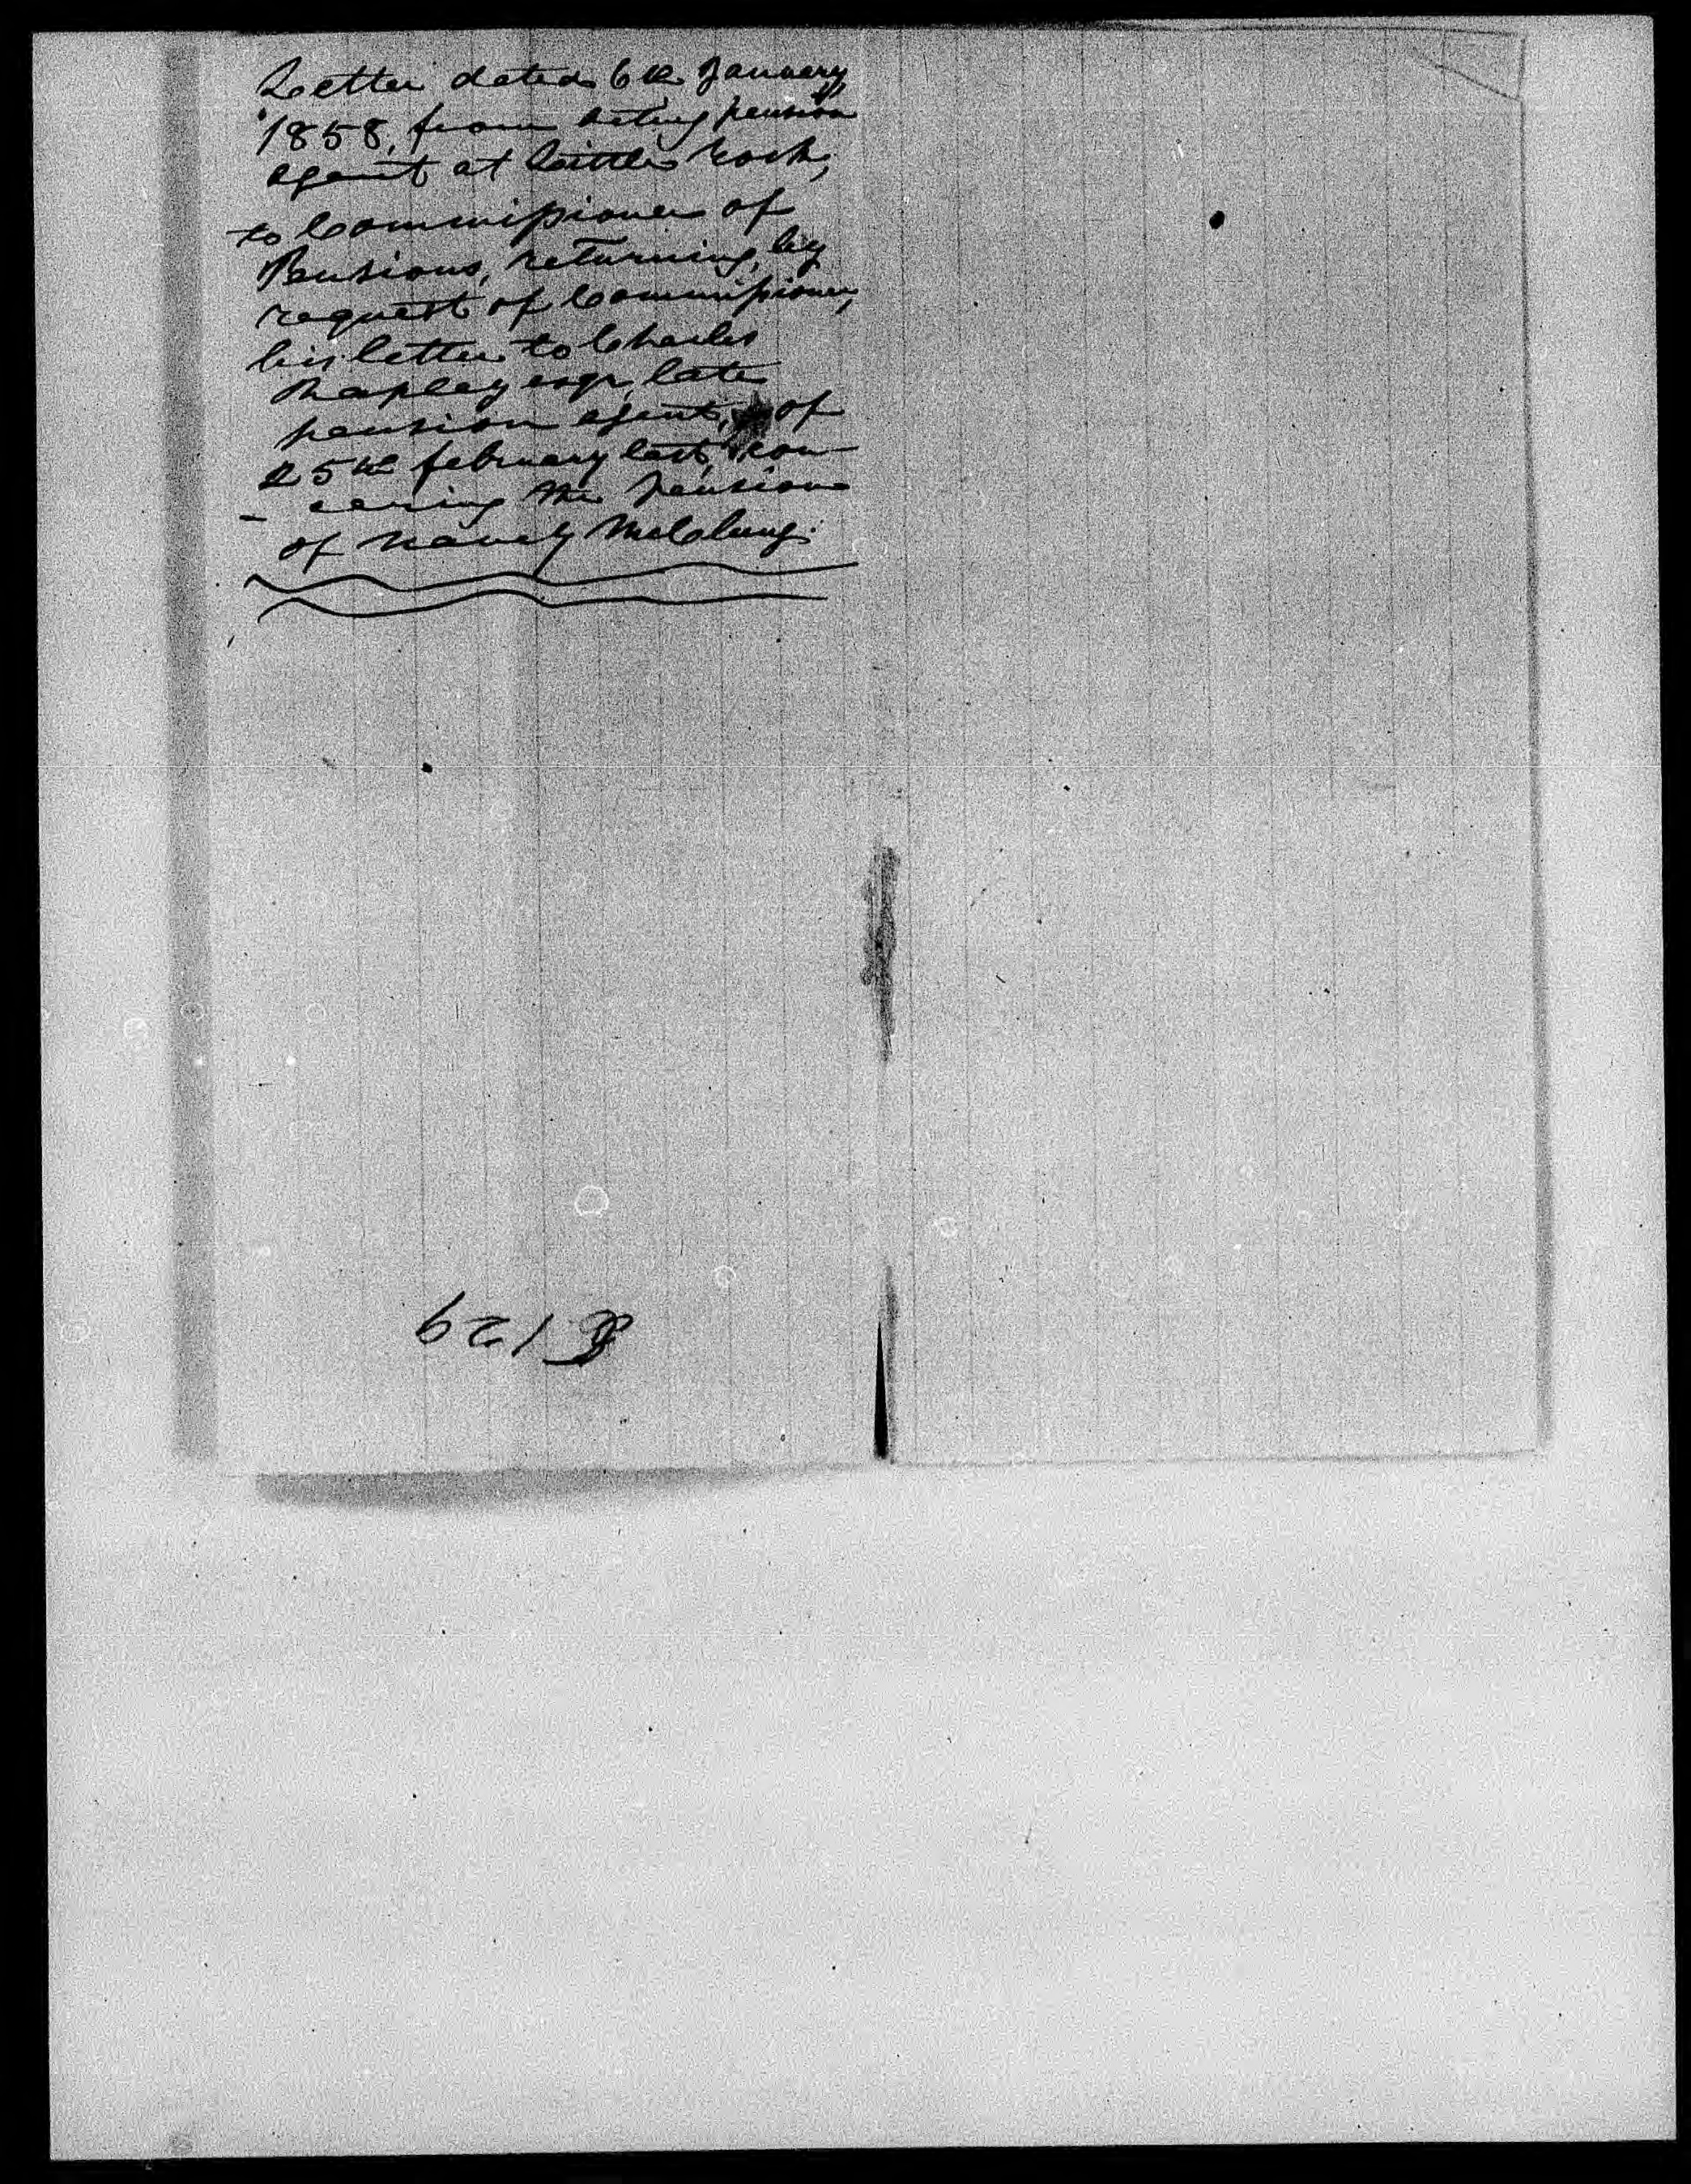Letter  dated 6th Januart
1858 from acting pension
aggent a Little Rock,
to Commissioner of 
Pensions, returning by
request of Commissioner,
his letter to Charles 
Mapley esq late 
pension [illegible] of
25th February last, con-
cerning the pension
of Nancy Mc Clung
================
6 129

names: Charles Mapley; Nancy Mc Clung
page: 64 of 115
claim: widow's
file: W. 1446, for John Mc Clung, South Carolina